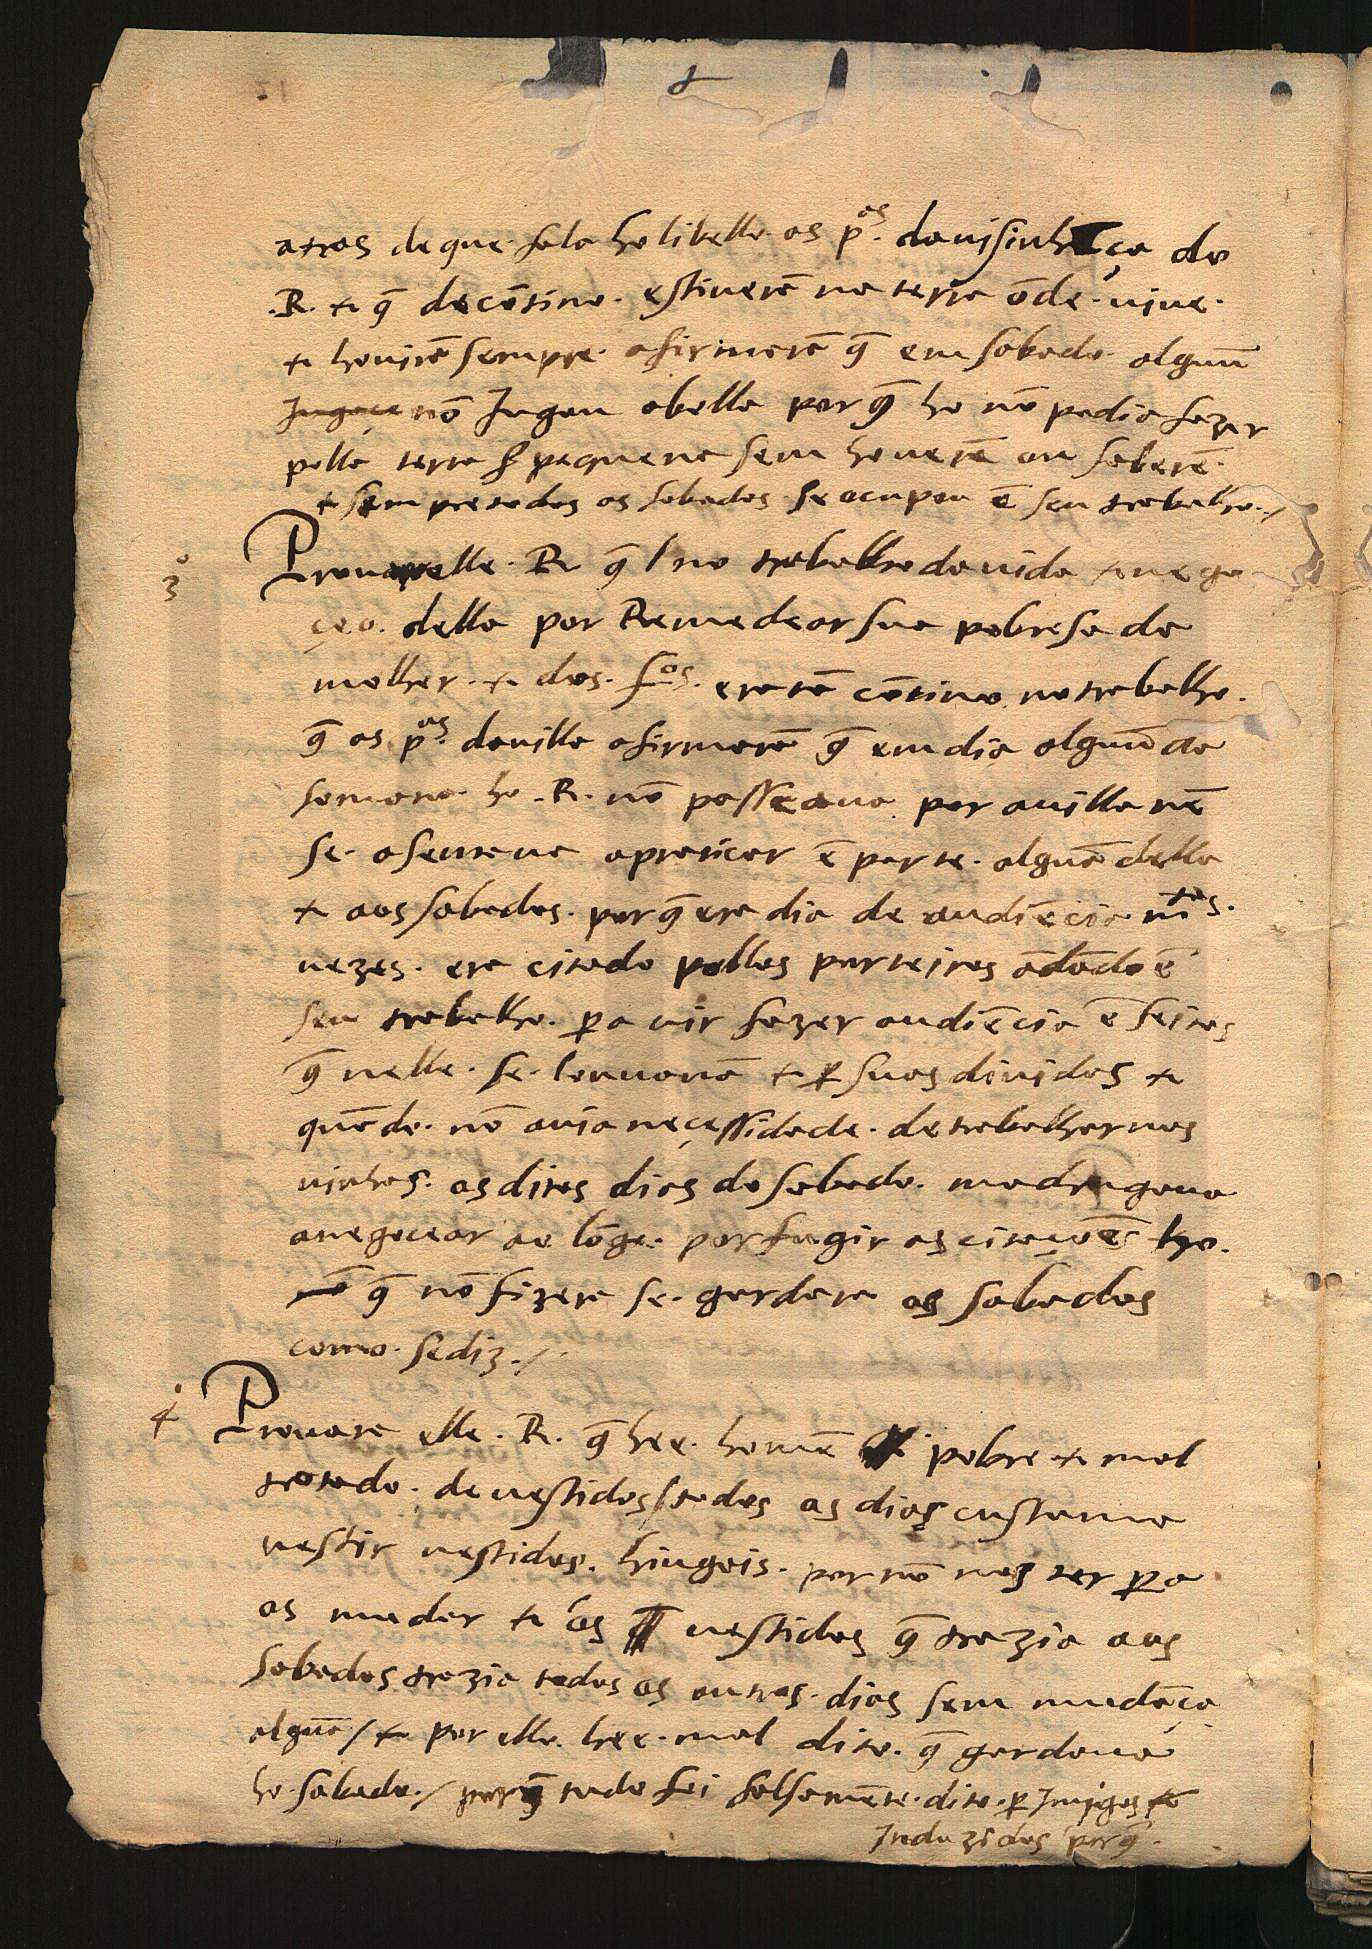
atras de que fala ho libello. as p.as da ujsinh_ça do
.R. e q̄ de cōtino. estiuerā na terra ōde. uiue.
e houirā sempre.afirmarā q̄ em sabado alguū
nō Jugou a bolla por q̄ ho nō podia fazer
pella terra ꞩ pequena sem ho uerē ou saberē
e sempre todos os sabados se ocupou ē seu trabalho.
Prova_ elle .R. q̄ / no trabalho da uida e nego
çeo della por Remedear sua pobresa da
molher e dos fos. era tā cōtino no trabalho
q̄ as pas. da uilla afirmarā q̄ em dia alguū da
semana. ho .R. nō passeaua por a uilla nē
se. asentaua a a praticar ē parte. alguã della
e aos sabados . por q̄ era dia de audiēcia mtas.
uezes . era citado pellos porteiros ādādo ē
seu trabalho. ꝑa uir fazer audiēcia ē feitos
q̄ nelle .se. louuauā e ꝑ suas diuidas e
quādo. nō auia neçessidade. de trabalhar nas
uinhas. os ditos dias do sabado . madrugaua
a negocear ao lōge. por fugir as citações ho
q̄ nō fizera se. gardara os sabados
como. se diz ./
Prouara elle .R. q̄ hee. homē _ pobre e mal
tratado. de uestidos / todos os dias custuma
uestir uestidos. hingais. por nō nos ter ꝑa
os mudar e ós _ uestidos q̄ trazia aos
sabados trazia todos os outros. dias sem mudāça
alguā / e por ello. hee. mal dito. q̄ gardaua
ho. sabado ./ porq̄ tudo foi falsamēte. dito. ꝑ Jmjgos _
Jnduzidos porq̄
